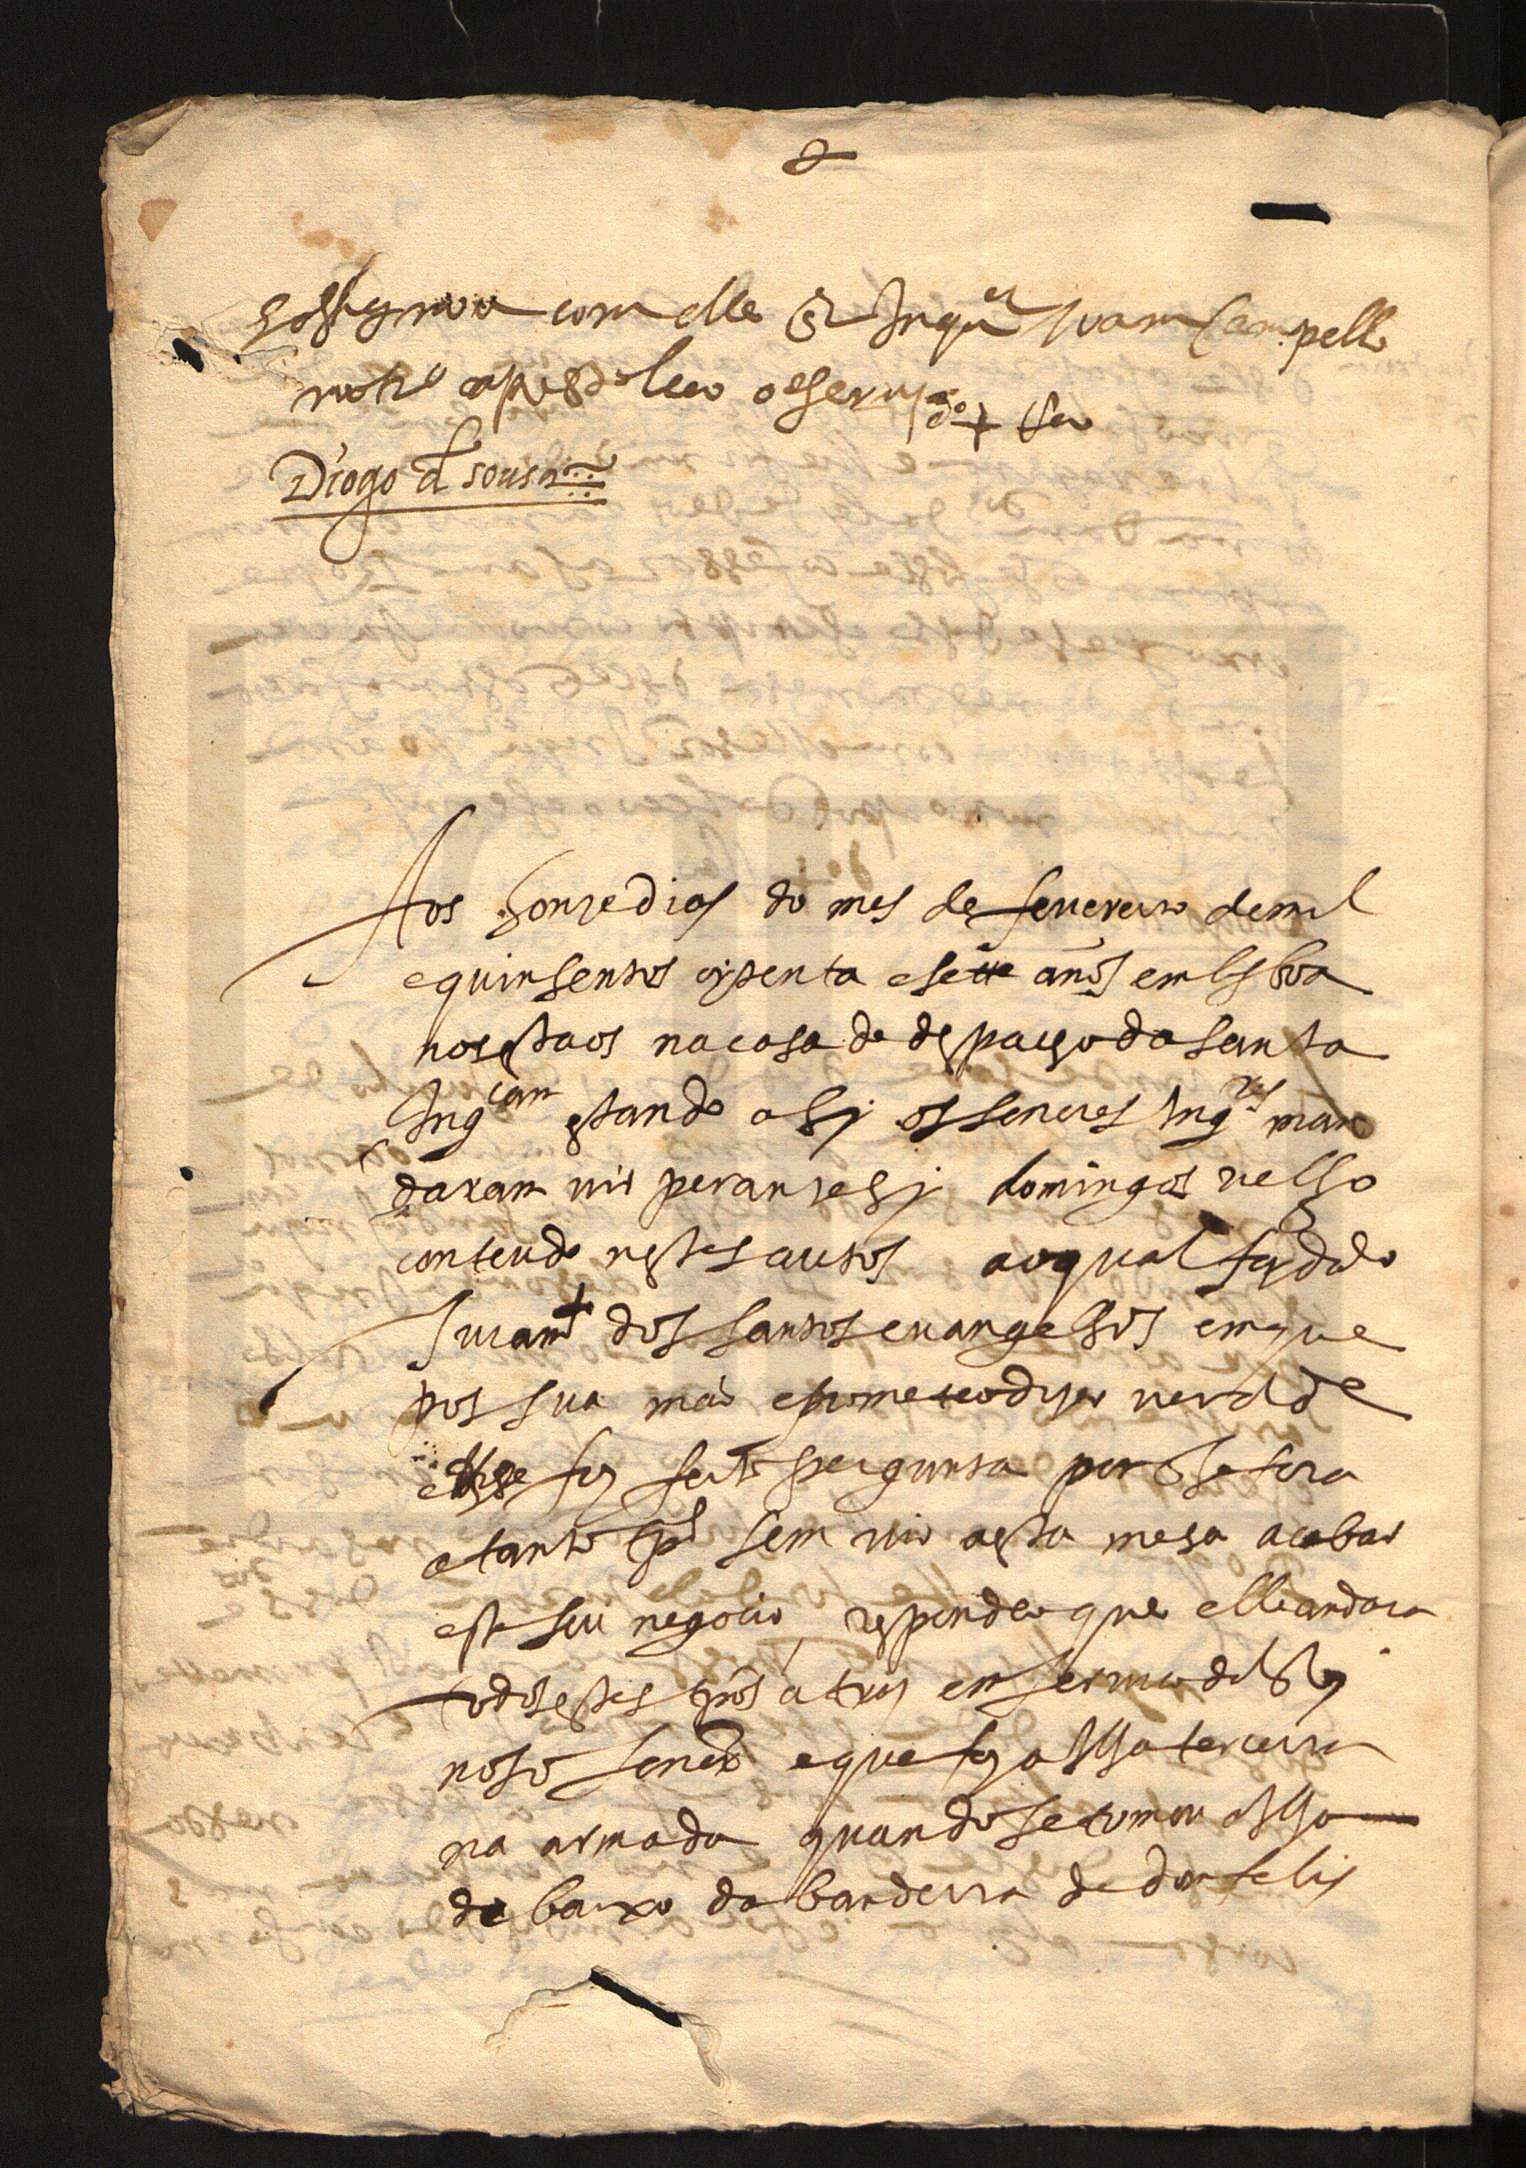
E assignou com elle sor Jnquor Joam Campello
notro apostolico o escruj
Aos honze dias do mes de feuereiro de mil
e quinhentos oytenta e sette anos em lisboa
nos estaos na casa do despacho da santa
Inqcam estando ahy os senores Inq.res man
daram uir perante sy domingos uelho
conteudo nestes autos ao qual foy dado
Juramto dos santos euangelhos em que
pos sua maõ e prometeo dizer uerdade
e dise foj feito pergunta porq̄ se fora
a tanto tpo sem uir a esta mesa acabar
este seu negocio, respondeo que elle andara
todos estes tpōs atras em seruico del Rej
noso Senor̄ e que foj a Jlha terceira
na armada quando se tomou a Jlha
debaixo da bandeira de dom felis
